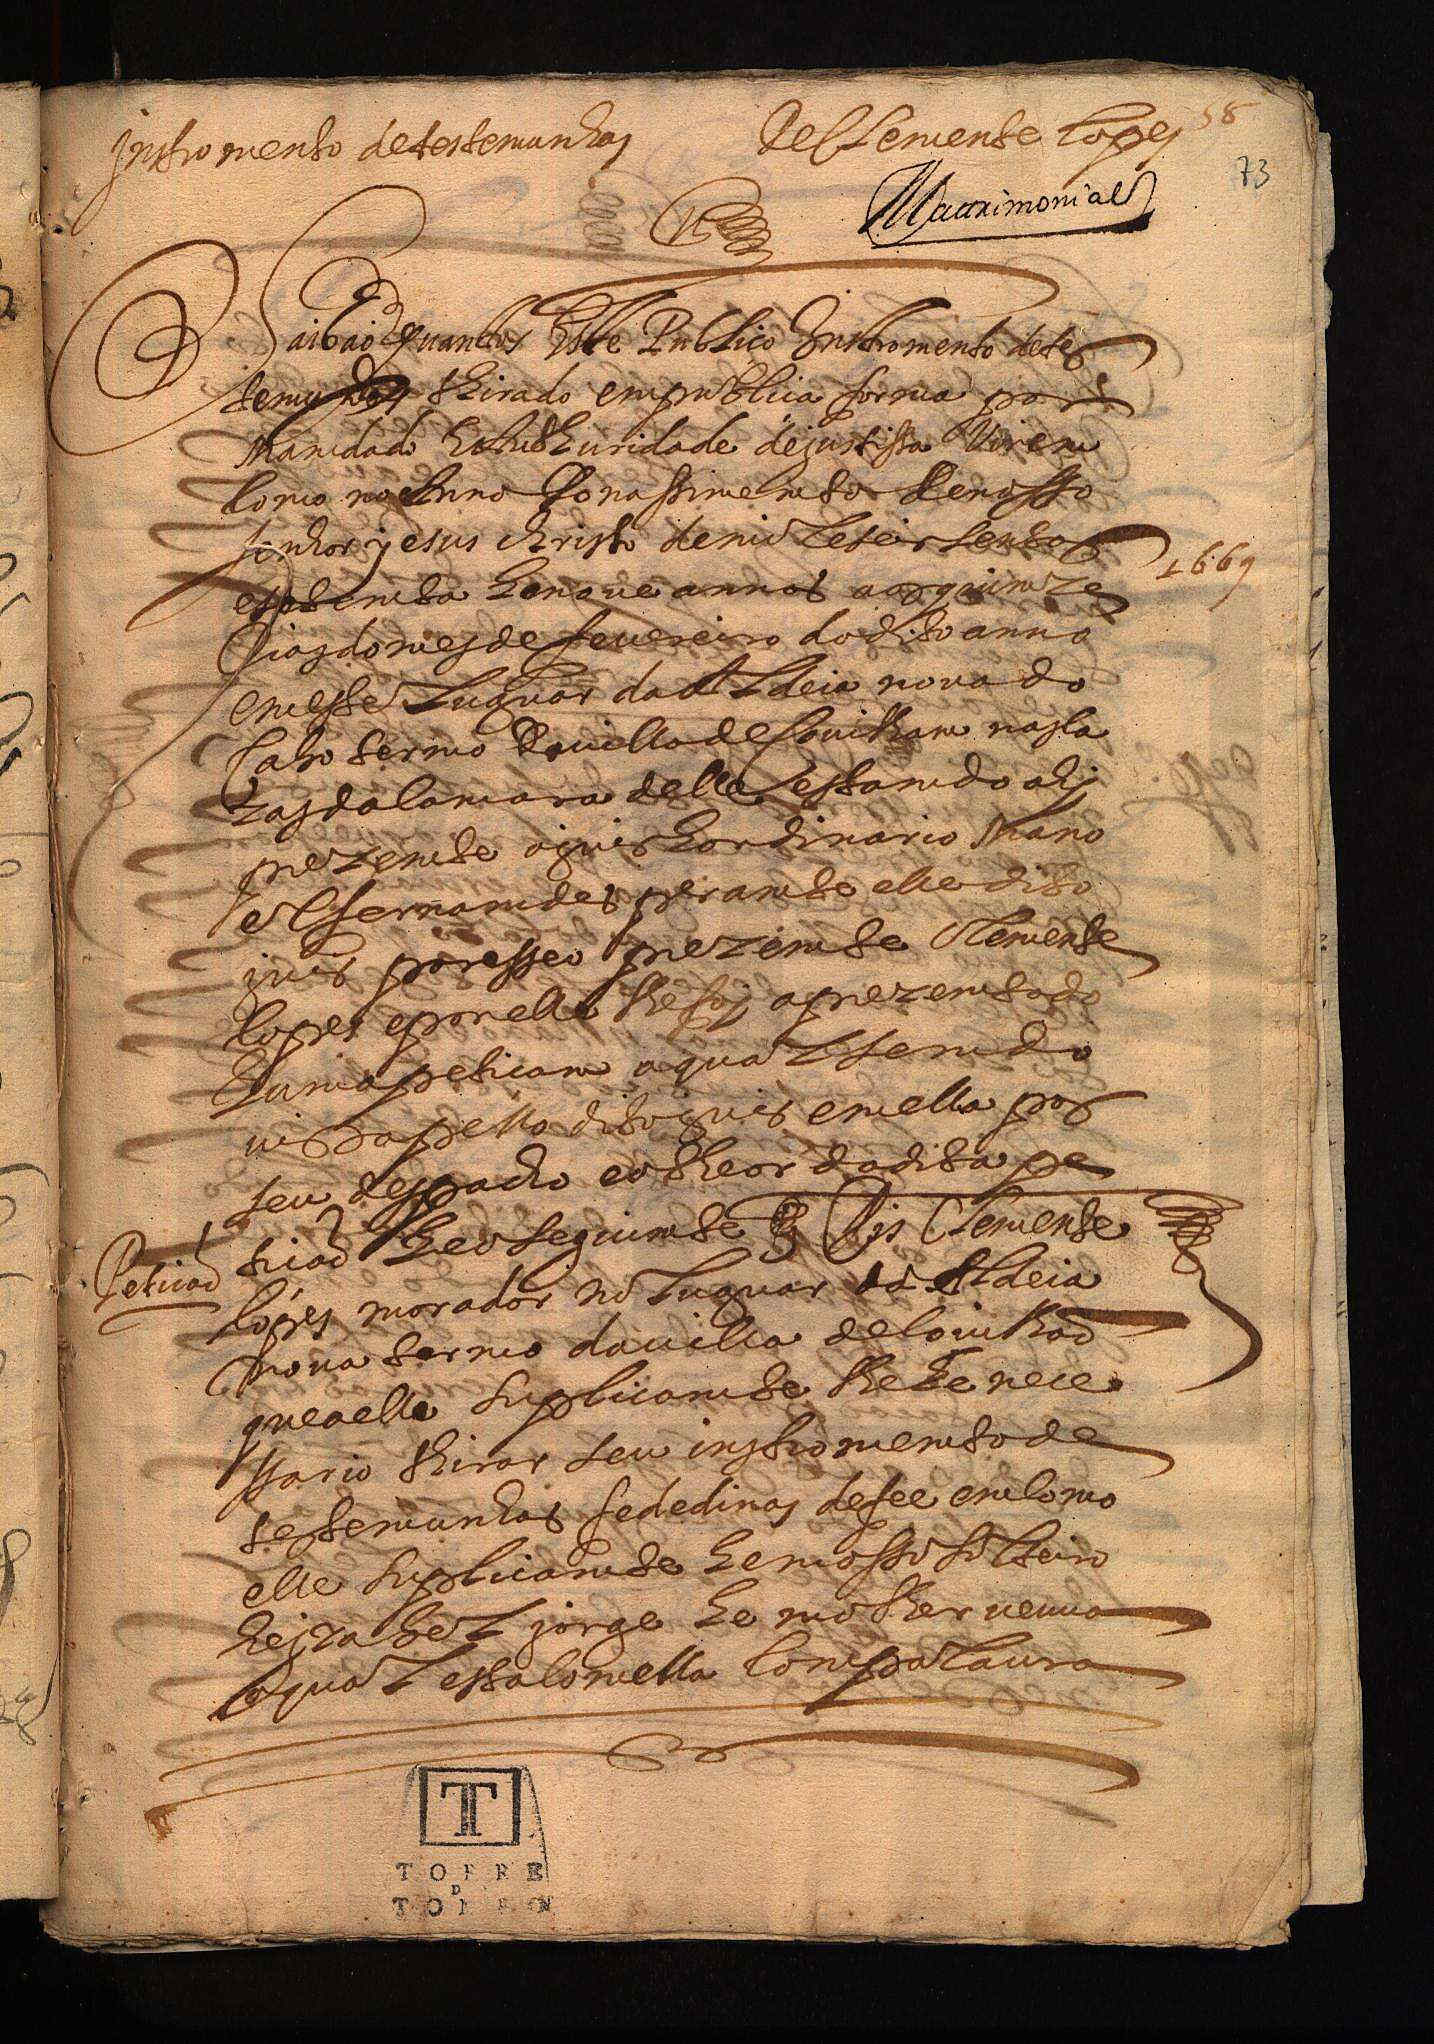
Jnstromento de testemunhas
de Clemente Lopes
Mattrimonial
Saibaõ quantos Este Publiço Instromento de tes
temunhas thirado em publiça forma por
Mamdado E Authuridade de justissa Virem
Como no Anno Do nassimemto de nosso
Senhor yesus christo de mil e seissentos
e sesemta he noue annos aos quimze
dias do mes de feuereiro do dito anno
em esse Luguar da ALdeia noua do
Cabo termo da uilla de Couilham nas ca
zas da Camara della estamdo ahj
prezemte o juis hordinario Mano
el Fernamdes peramte elle dito
juis paresseo prezemte clemente
lopes e por elle lhe foj aprezemtado
huma petiçam a qual semdo
uista pello dito juis em ella pos
seu despacho e o theor da dita pe
tiçaõ he o seguimte ⁋ Dis Clemente
lopes morador no Luguar da Aldeia
noua termo da uilla de Couilhaõ
que a elle suplicamte lhe he nece
ssario thirar seu instromemto de
testemunhas fededinas de fee em como
elle suplicamte he mosso solteiro
he jzabeL jorge he molher ueuua
o quaL esta Com ella Com palaura
1669
Peticaõ
